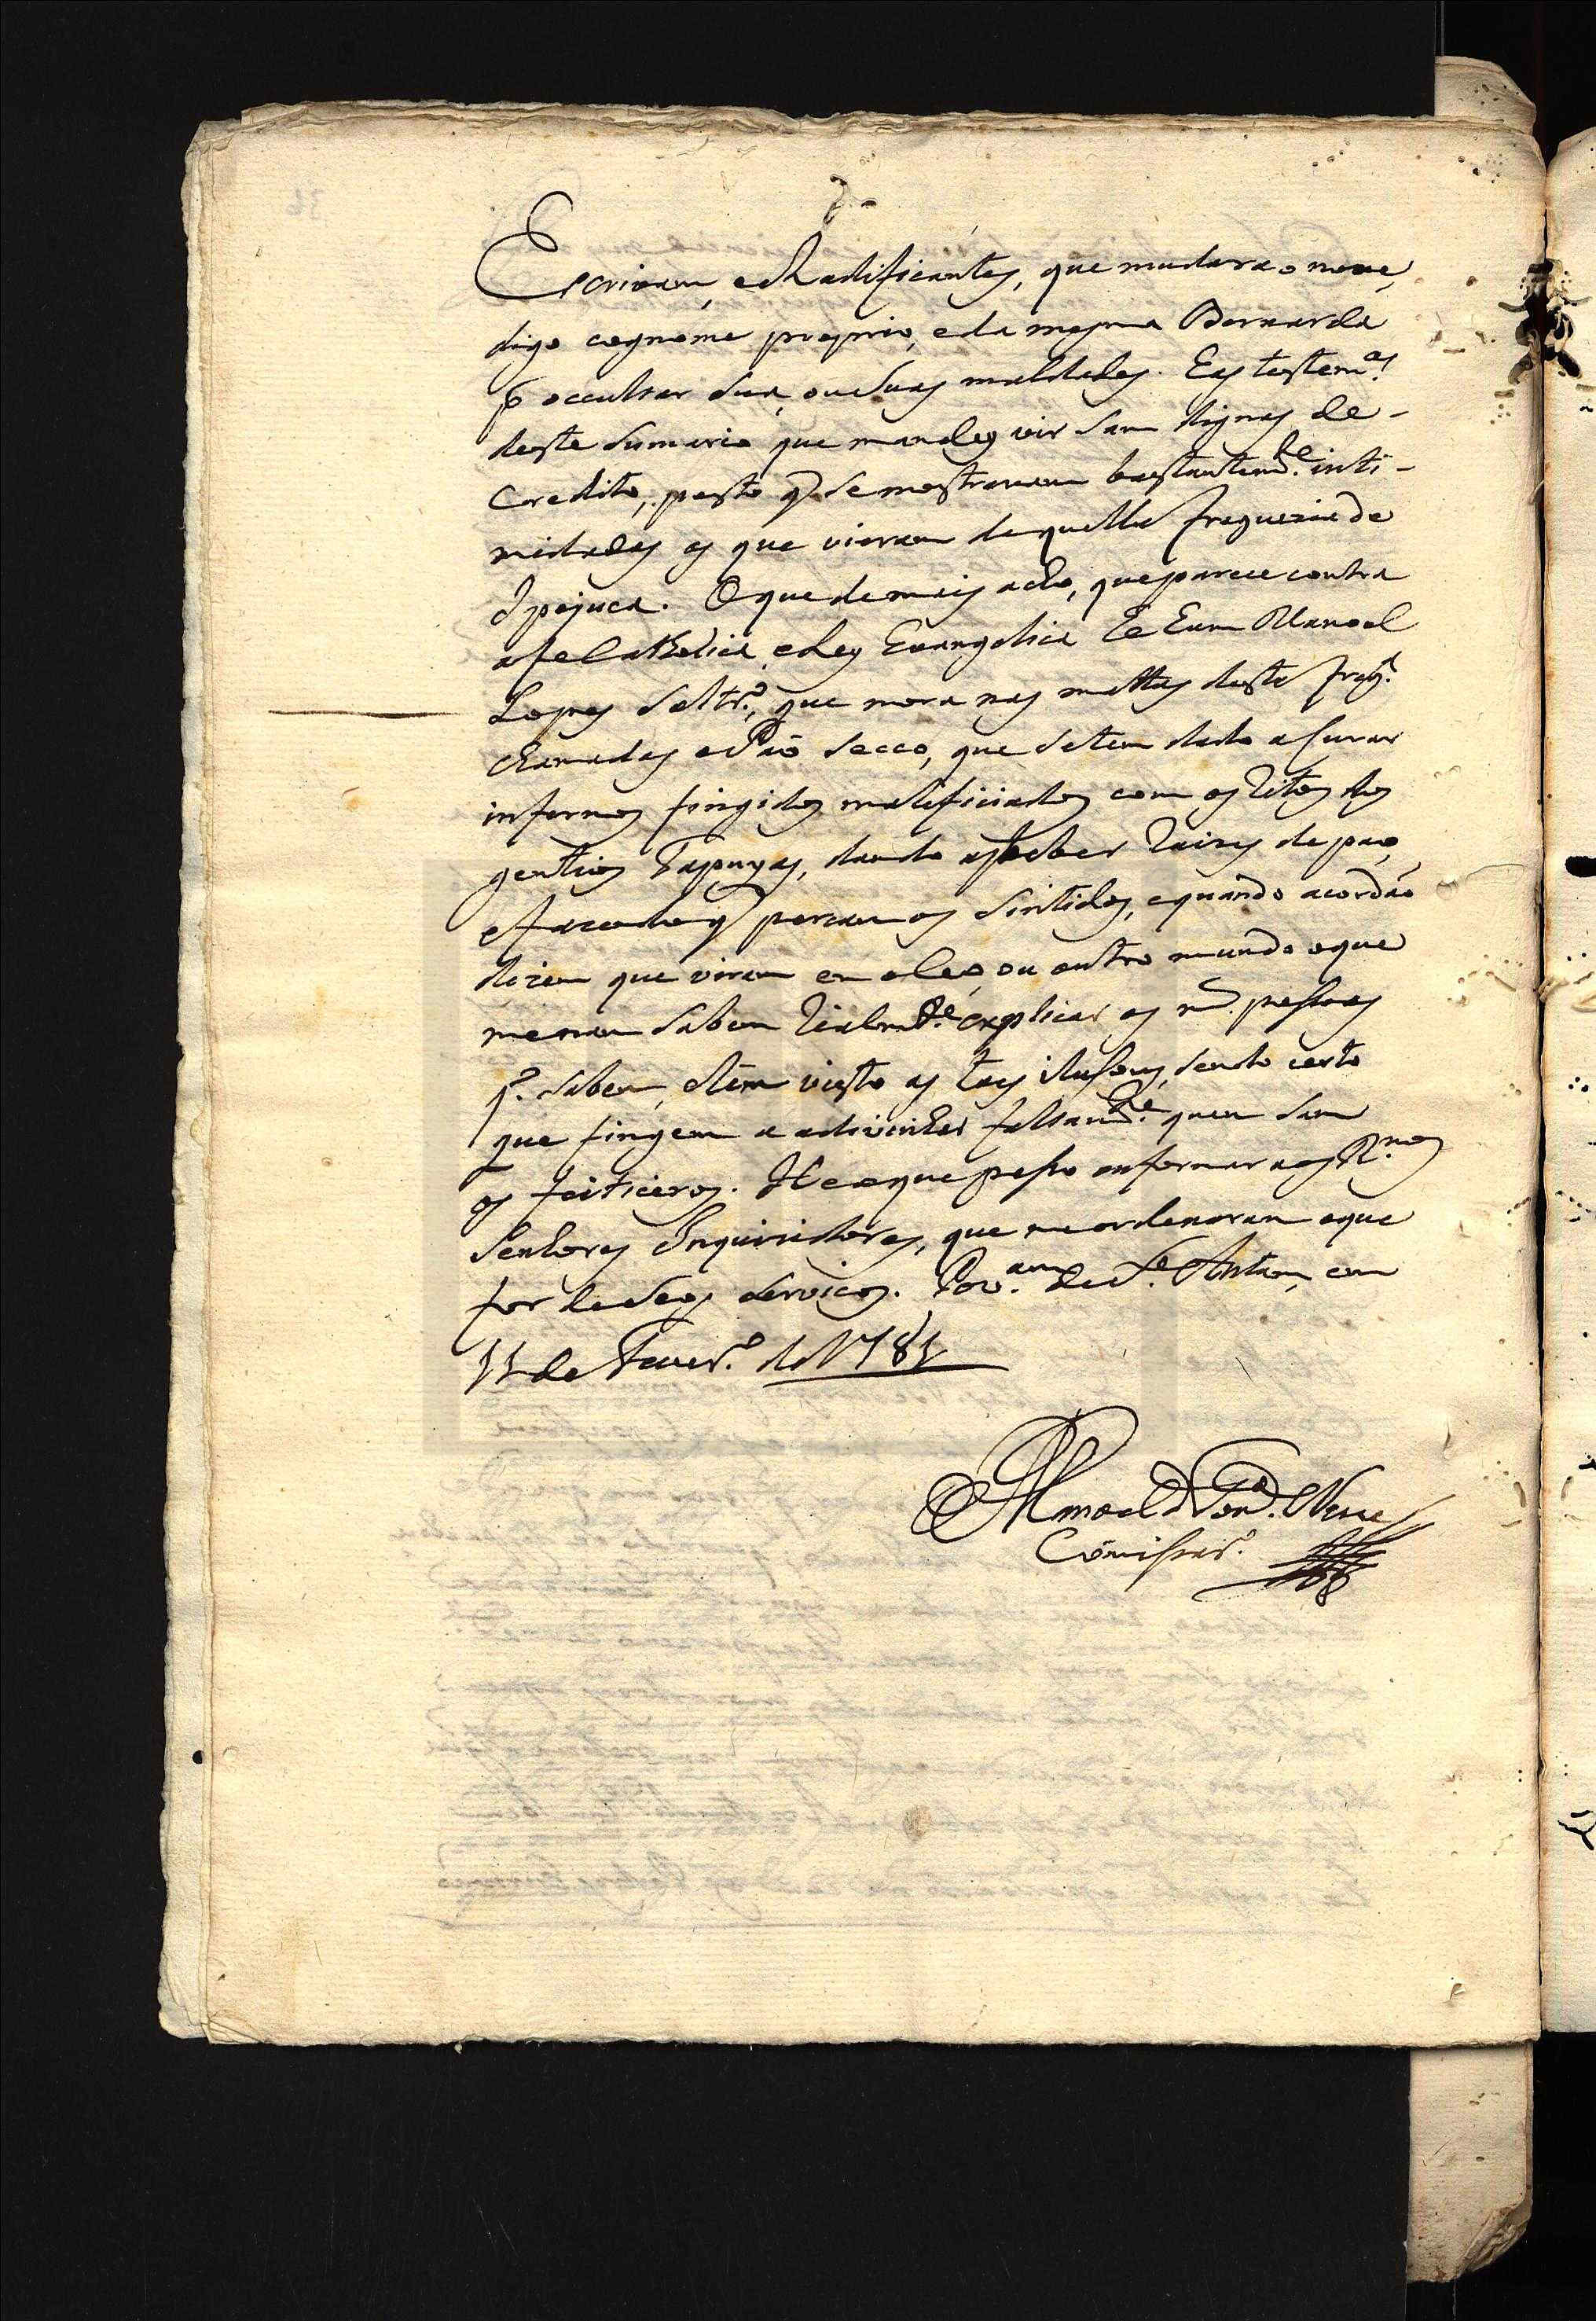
Escrivam, e Ratificantes, que mudara o nome,
digo cognome proprio, e da mesma Bernarda
p̄ ocultar sua, ou suas maldades. E as testem.as
deste sumario que mandey vir sam dignas de
credito, posto q̄ se mostravam bastantem.te inti
midadas os que vieram daquella freguezia de
Ipejuca. O que demais acho, que parece contra
a fe Catholica, e Ley Evangelica he hum Manoel
Lopes Soltr.o, que mora nas mattas desta freg.a
chamadas o Paõ secco, que se tem dado a Curar
infermos fingidos maleficiados com os Ritos Aos
gentios Tapuyas, dando a saber Raizes de pao
e fazendo q̄ percam os sintidos, e quando acordão
dizem que virem em o Ceo, ou outro mundo o que
menos sabem Rialmt.e explicar as ms. pessoas
p̄ saber, além visto as tais ilusons, sendo certo
que fingem a adivinhar falsamt.e quem sam
os feiticeiros. He o que pesso informar aos R.mos
Senhores Inquizidores, que me ordenaram o que
for de Seos servicos. Pov.am de S.to Antam, em
11 de Fever.o de 1781
